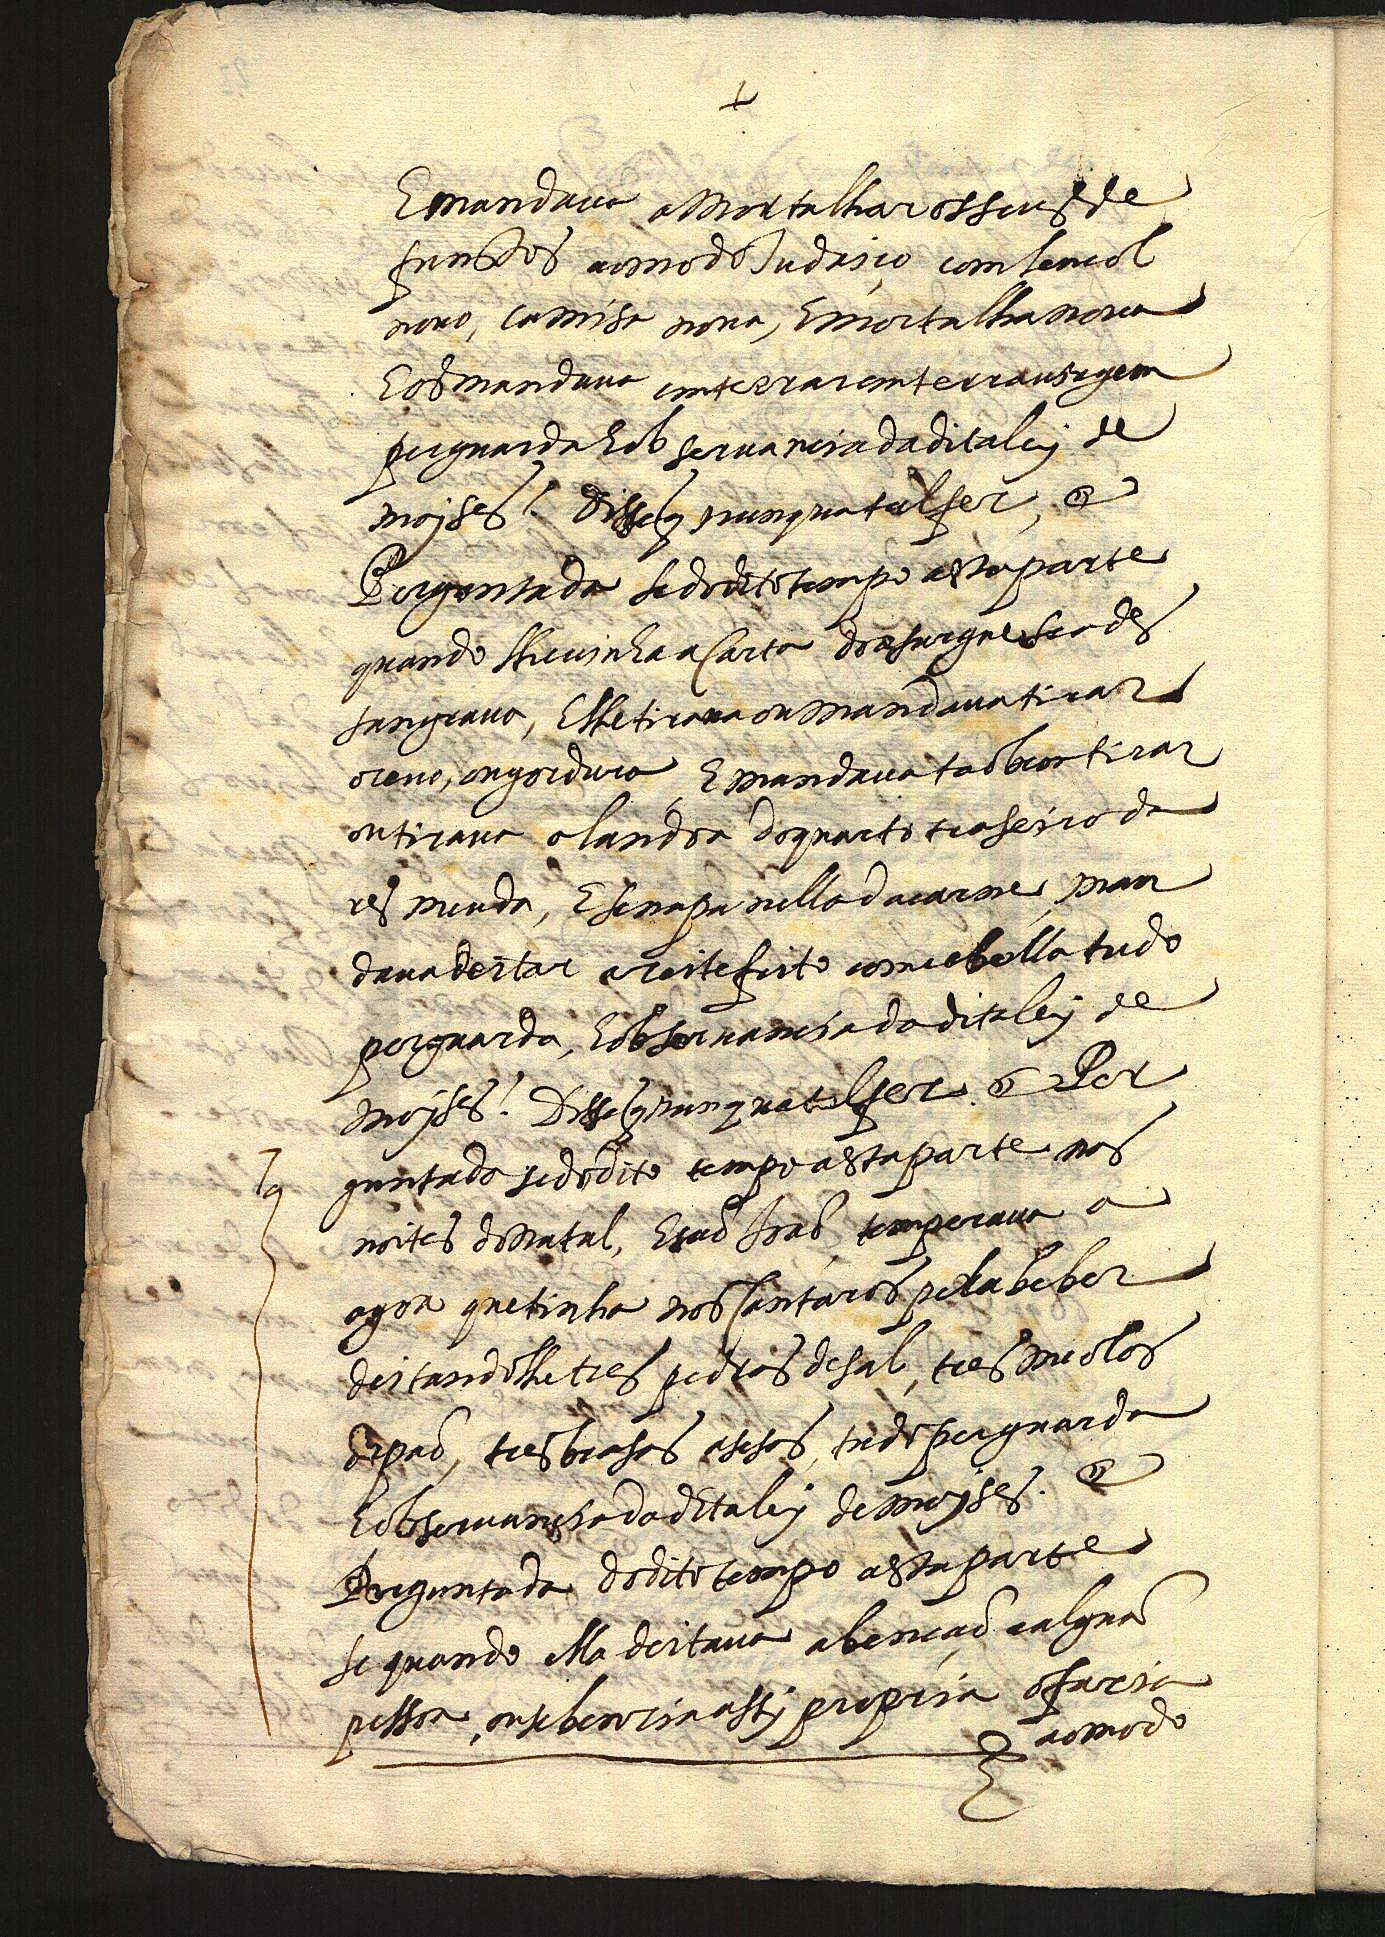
E mandaua amortalhar os seus de
functos ao modo Iudaico com Lencol
nouo, camisa noua, E mortalha noua
E os mandaua emterrar em terra uirgem
per guarda E obseruancia da dita ley de
moyses? Disse q̄ nunqua tal fez, e
Perguntada se do dito tempo a esta parte
quando lhe uinha a Carta do asurgue se a des
sangraua, E lhe tiraua ou mandaua tirar
o ceuo, ou gordura E mandaua taõbem tirar
ou tiraua a landoa do quarto traseiro da
res meuda, E se na panella da carne, man
daua deitar azeite frito com cebolla tudo
per guarda, E obseruancia da dita ley de
moyses? Disse q̄ nunqua tal fez ⁋ Per
guntada se do dito tempo a esta parte nas
noites do natal, E saõ Joaõ, temperaua a
agoa que tinha nos Cantaros pela beber
deitandolhe tres pedras de sal, tres meolos
de paõ, tres brasas asesas, tudo per guarda
E obseruancia da dita ley de moyses. E
Perguntada do dito tempo a esta parte
se quando ella deitaua a bençaõ a alguā
pessoa, ou se benzia a ssy propria o fazia
ao modo
